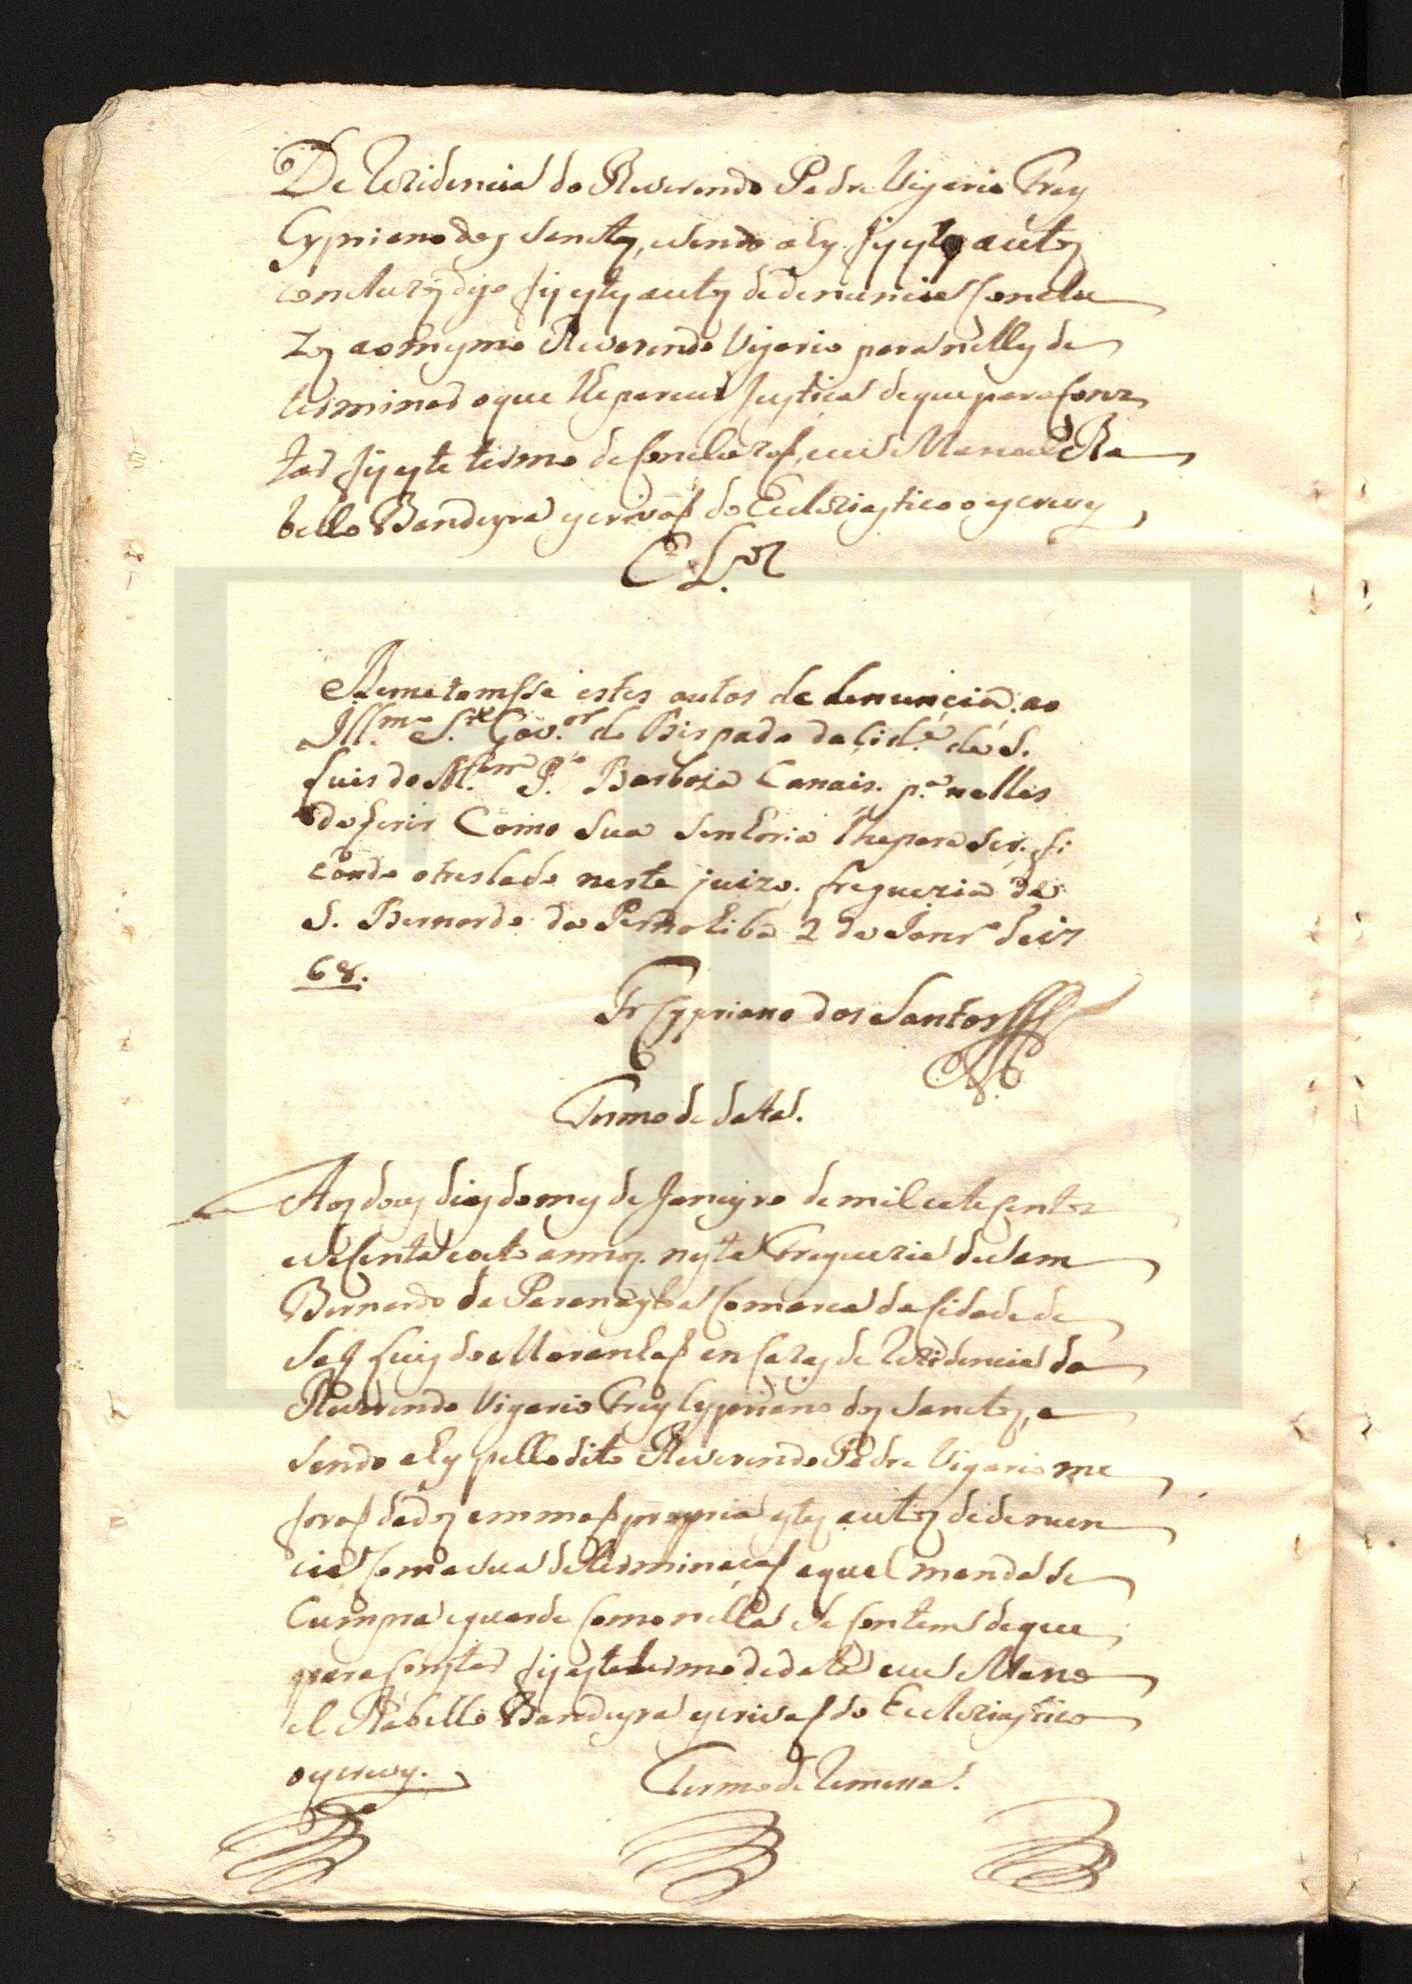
De Rezidencia do Reverendo Padre Vigario Frey
Cypriano dos Santos, e sendo ahy fis estes autos
concluzos digo fis estes autos de denuncia Conclu
Zos ao mesmo Reverendo Vigario para nelles de
terminar o que lhe parecer Justiça de que para Conz
tar fis este termo de Concluzaõ, e eu Manoel Ra
bello Bandeyra escrivaõ do Eccleziastico o escrevy
CL.os
Remetamsse estes autos da denuncia ao
Ill.m S.r Gov.or do Bispado da Cid.e de S.
Luis do M.am P.o Barboza Canais. p.a nelles
deferir Como sua Senhoria lhe pareser, fi
cando o treslado neste juizo; freguezia de
S. Bernardo da Pernahiba 2 de Ianr.o de i7
68.
Fr Cypriano dos Santos
Termo de data.
Aos dous dias do mes de Janeyro de mil ceteCentoz
e SeCenta e oito annos nesta Freguezia de sam
Bernardo da Paranayba Comarca da Cidade de
Saõ Luis do Maranhaõ en Cazas de Rezidencia do
Reuerendo Vigario Frey Cypriano dos Sanctos, e
sendo ahy pello dito Reverendo Padre Vigario me
foraõ dados em maõ propria estes autos de denun
cia Com a sua determinaçaõ a qual manda se
Cumpra e guarde Como nella se Contem de que
para Constar fis este termo de data eu Mano
el Rabello Bandeyra escrivaõ do Eccleziastico
o escrevy.
Termo de Remessa.
